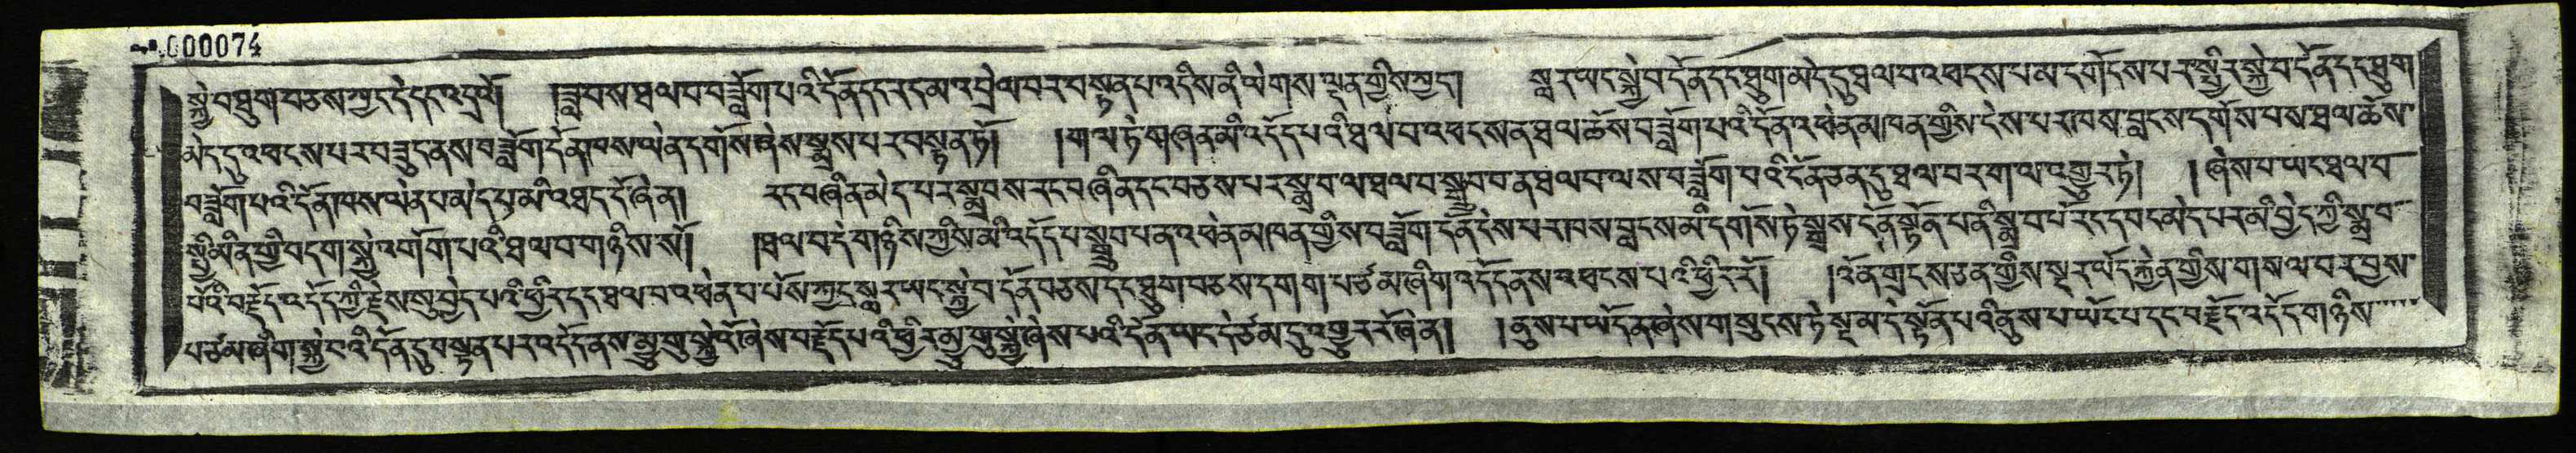སྐྱེ་བ་ཐུག་བཅས་ཀྱང་དེ་དང་འདྲའོ། །ཟླ་བས་ཐལ་བ་བཟློག་པའི་དོན་དང་རང་མ་འབྲེལ་བར་བསྟན་པ་འདིས་ནི་ལེགས་ལྡན་གྱིས་ཀྱང་། སླར་ཡང་སྐྱེ་བ་དོན་དང་ཐུག་མེད་དུ་ཐལ་བ་འཕངས་པ་མ་དགོངས་པར་སྤྱིར་སྐྱེ་བ་དོན་དང་ཐུག་
མེད་དུ་འཕངས་པར་བཟུང་ནས་བཟློག་དོན་ཁས་ལེན་དགོས་ཞེས་སྨྲས་པར་བསྟན་ཏོ། །གལ་ཏེ་གཞན་མི་འདོད་པའི་ཐལ་བ་འཕངས་ན་ཐལ་ཆོས་བཟློག་པའི་དོན་འཕེན་མཁན་གྱིས་ངེས་པར་ཁས་བླངས་དགོས་པས་ཐལ་ཆོས་
བཟློག་པའི་དོན་ཁས་ལེན་པ་མེད་པ་མི་འཐད་དོ་ཞེ་ན། རང་བཞིན་མེད་པར་སྨྲ་བས་རང་བཞིན་དང་བཅས་པར་སྨྲ་བ་ལ་ཐལ་བ་སྒྲུབ་པ་ན་ཐལ་བ་ལས་བཟློག་པའི་དོན་ཅན་དུ་ཐལ་བར་ག་ལ་འགྱུར་ཏེ། །ཞེས་པ་ཡང་ཐལ་བ་
སྤྱི་མིན་གྱི་བདག་སྐྱེ་འགོག་པའི་ཐལ་བ་གཉིས་སོ། །ཐལ་བ་དེ་གཉིས་ཀྱིས་མི་འདོད་པ་སྒྲུབ་པ་ན་འཕེན་མཁན་གྱིས་བཟློག་དོན་ངེས་པར་ཁས་བླངས་མི་དགོས་ཏེ་སྒྲས་དོན་སྟོན་པ་ནི་སྨྲ་བ་པོ་རང་དབང་མེད་པར་མི་བྱེད་ཀྱི་སྨྲ་བ་
པོའི་བརྗོད་འདོད་ཀྱི་རྗེས་སུ་བྱེད་པའི་ཕྱིར་དང་ཐལ་བ་འཕེན་པ་པོས་ཀྱང་སླར་ཡང་སྐྱེ་བ་དོན་བཅས་དང་ཐུག་བཅས་དགག་པ་ཙམ་ཞིག་འདོད་ནས་འཕངས་པའི་ཕྱིར་རོ། །འོ་ན་གྲངས་ཅན་གྱིས་སྔར་ཡོད་རྐྱེན་གྱིས་གསལ་བར་བྱས་
པ་ཙམ་ཞིག་སྐྱེ་བའི་དོན་དུ་བསྟན་པར་འདོད་ནས་མྱུ་གུ་སྐྱེའོ་ཞེས་བརྗོད་པའི་ཕྱིར་མྱུ་གུ་སྐྱེ་ཞེས་པའི་དོན་ཡང་དེ་ཙམ་དུ་འགྱུར་རོ་ཞེ་ན། །ནུས་པ་ཡོད་ན་ཞེས་གསུངས་ཏེ་སྔ་མ་དེ་སྟོན་པའི་ནུས་པ་ཡོད་པ་དང་བརྗོད་འདོད་གཉིས་